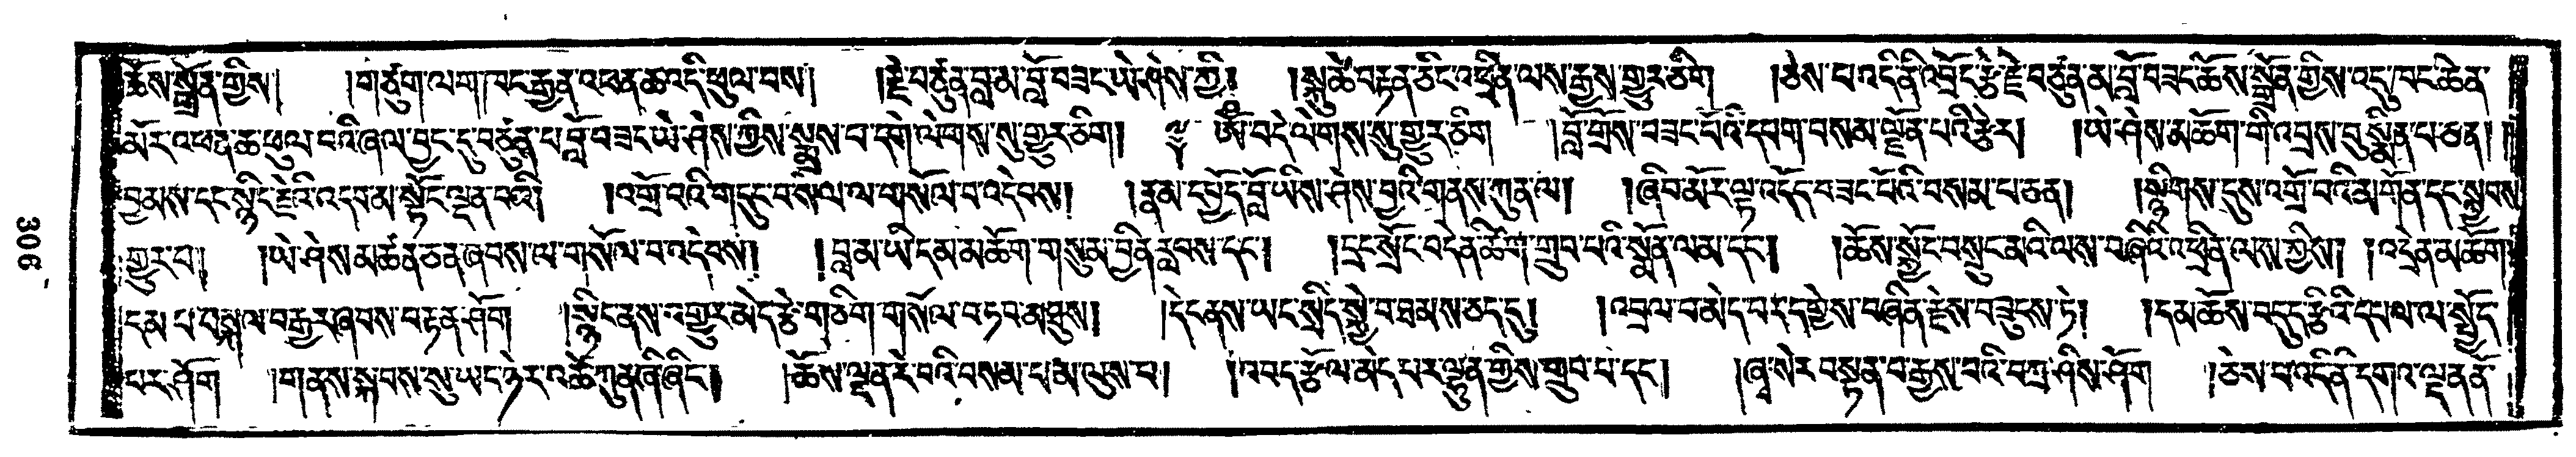ཆོས་སྒྲོན་གྱིས། །གཙུག་ལག་ཁང་རྒྱན་འཕན་ཆ་འདི་ཕུལ་བས། །རྗེ་བཙུན་བླ་མ་བློ་བཟང་ཡེ་ཤེས་ཀྱི། །སྐུ་ཚེ་བརྟན་ཅིང་འཕྲིན་ལས་རྒྱས་གྱུར་ཅིག །ཅེས་པ་འདི་ནི་འབྲོང་རྩེ་རྗེ་བཙུན་མ་བློ་བཟང་ཆོས་སྒྲོན་གྱིས་འདུ་ཁང་ཆེན་
མོར་འཕན་ཆ་ཕུལ་བའི་ཞལ་བྱང་དུ་བཙུན་པ་བློ་བཟང་ཡེ་ཤེས་ཀྱིས་སྨྲས་པ་དགེ་ལེགས་སུ་གྱུར་ཅིག། ༈ ཨོཾ་བདེ་ལེགས་སུ་གྱུར་ཅིག །བློ་གྲོས་བཟང་པོའི་དཔག་བསམ་ལྗོན་པའི་རྩེར། །ཡེ་ཤེས་མཆོག་གི་འབྲས་བུ་སྨིན་པ་ཅན།།
བྱམས་དང་སྙིང་རྗེའི་འདབ་མ་སྟོང་ལྡན་པའི། །འགྲོ་བའི་གདུང་བ་སིལ་ལ་གསོལ་བ་འདེབས། །རྣམ་དཔྱོད་བློ་ཡིས་ཤེས་བྱའི་གནས་ཀུན་ལ། །ཞིབ་མོར་ལྟ་འདོད་བཟང་པོའི་བསམ་པ་ཅན། །སྙིགས་དུས་འགྲོ་བའི་མགོན་དང་སྐྱབས་
གྱུར་བ། །ཡེ་ཤེས་མཚན་ཅན་ཞབས་ལ་གསོལ་བ་འདེབས། །བླ་མ་ཡི་དམ་མཆོག་གསུམ་བྱིན་རླབས་དང་། །དྲང་སྲོང་བདེན་ཚིག་གྲུབ་པའི་སྨོན་ལམ་དང་། །ཆོས་སྐྱོང་བསྲུང་མའི་ལས་བཞིའི་འཕྲིན་ལས་ཀྱིས། །འདྲེན་མཆོག་
དམ་པ་བསྐལ་བརྒྱར་ཞབས་བརྟན་ཤོག །སྙིང་ནས་འགྱུར་མེད་རྩེ་གཅིག་གསོལ་བཏབ་མཐུས། །དེང་ནས་ཡང་སྲིད་སྐྱེ་བ་ཐམས་ཅད་དུ། །འབྲལ་བ་མེད་པར་དགྱེས་བཞིན་རྗེས་བཟུངས་ཏེ། །དམ་ཆོས་བདུད་རྩིའི་དཔལ་ལ་སྤྱོད་
པར་ཤོག །གནས་སྐབས་སུ་ཡང་ཉེར་འཚེ་ཀུན་ཞི་ཞིང་། །ཆོས་ལྡན་རེ་བའི་བསམ་པ་མ་ལུས་པ། །འབད་རྩོལ་མེད་པར་ལྷུན་གྱིས་གྲུབ་པ་དང་། །ཞྭ་སེར་བསྟན་པ་རྒྱས་པའི་བཀྲ་ཤིས་ཤོག །ཅེས་པ་འདི་ནི་དགའ་ལྡན་ནོ་